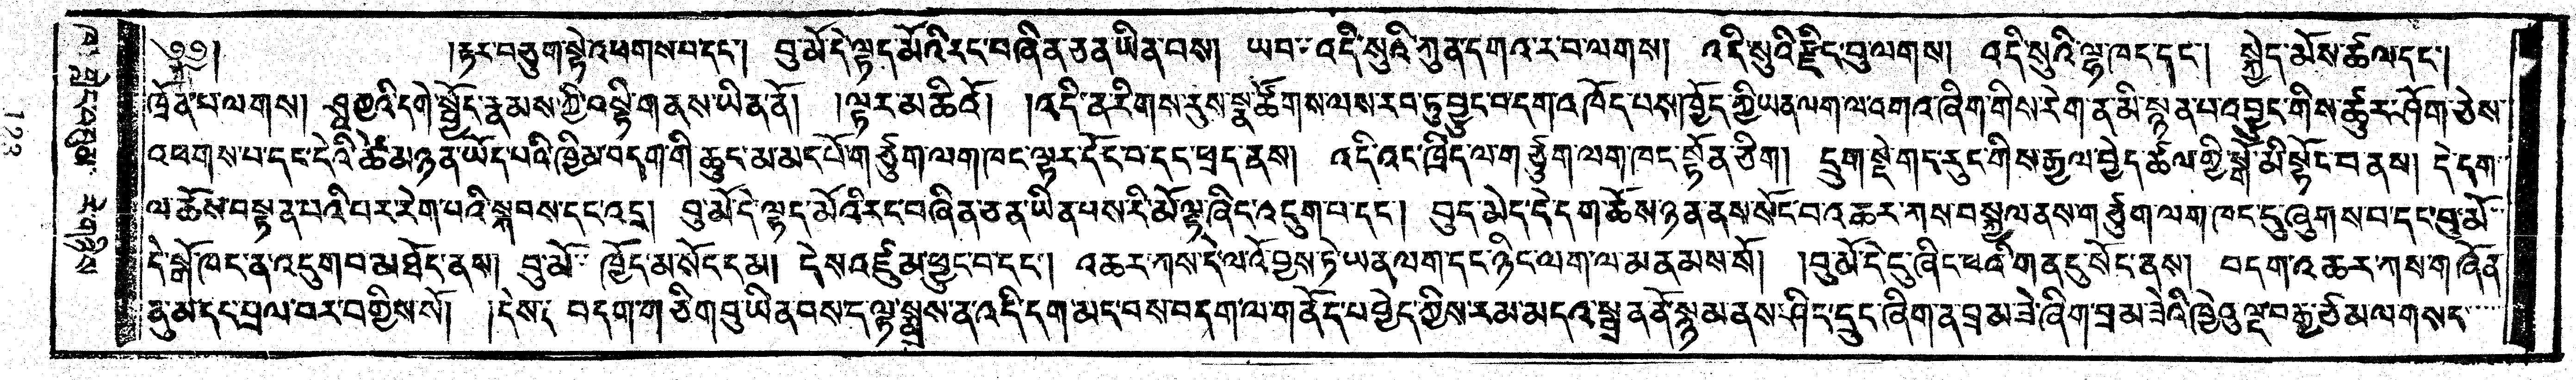༄༅། །རྟར་བཅུག་སྟེ་འཕགས་པ་དང་། བུ་མོ་དེ་ལྟད་མོའི་རང་བཞིན་ཅན་ཡིན་པས། ཡབཿ འདི་སུའི་ཀུན་དགའ་ར་བ་ལགས། འདི་སུའི་རྫིང་བུ་ལགས། འདི་སུའི་ལྷ་ཁང་དང་། སྐྱེད་མོས་ཚལ་དང་།
ཁྲོན་པ་ལགས། ཤཱཀྱའི་དགེ་སྤྱོད་རྣམས་ཀྱི་བསྟི་གནས་ཡིན་ནོ། །ལྟར་མཆིའོ། །འདི་ན་རིགས་རུས་སྣ་ཚོགས་ལས་རབ་ཏུ་བྱུང་བ་དག་འཁོད་པས་ཁྱོད་ཀྱི་ཡན་ལག་ལ་འགའ་ཞིག་གིས་རེག་ན་མི་སྙན་པ་འབྱུང་གིས་ཚུར་ཤོག་ཅེས་
འཕགས་པ་དང་དེའི་ཚེ་མཉན་ཡོད་པའི་ཁྱིམ་བདག་གི་ཆུང་མ་མང་པོ་གཙུག་ལག་ཁང་ལྟར་དོང་བ་དང་ཕྲད་ནས། འདི་འང་ཁྲིད་ལ་གཙུག་ལག་ཁང་སྟོན་ཅིག། དྲུག་སྡེ་གང་རུང་གིས་རྒྱལ་བྱེད་ཚལ་གྱི་སྒོ་མི་སྟོང་བ་ནས། དེ་དག་
ལ་ཆོས་བསྟན་པའི་པར་རེག་པའི་སྐབས་དང་འདྲ། བུ་མོ་དེ་ལྟད་མོའི་རང་བཞིན་ཅན་ཡིན་པས་རི་མོ་ལྟ་ཞིང་འདུག་པ་དང་། བུད་མེད་དེ་དག་ཆོས་ཉན་ནས་སོང་བ་འཆར་ཀས་བསྐྱལ་ནས་གཙུག་ལག་ཁང་དུ་ཞུགས་པ་དང་བུ་མོ་
དེ་སྒོ་ཁང་ན་འདུག་པ་མཐོང་ནས། བུ་མོཿ ཁྱོད་མ་སོང་དམ། དེས་འཛུམ་ཕྱུང་བ་དང་། འཆར་ཀས་དེ་ལའོ་བྱས་ཏེ་ཡན་ལག་དང་ཉིད་ལག་ལ་མནམས་སོ། །བུ་མོ་དེ་དུ་ཞིང་ཕའི་གན་དུ་སོང་ནས། བདག་འཆར་ཀས་གཞོན་
ནུ་མ་དང་བྲལ་བར་བགྱིས་སོ། །དེས༑ བདག་གཅིག་བུ་ཡིན་བས་ད་ལྟ་སྨྲས་ན་འདི་དག་མང་བས་བདག་ལ་གནོད་པ་བྱེད་ཀྱིས་རམ་མང་སྦྲན་ནོ་སྙམ་ནས་ཤིང་དྲུང་ཞིག་ན་བྲམ་ཟེ་ཞིག་བྲམ་ཟེའི་ཁྱེའུ་ལྔ་བརྒྱ་ཙམ་ལ་གསང་